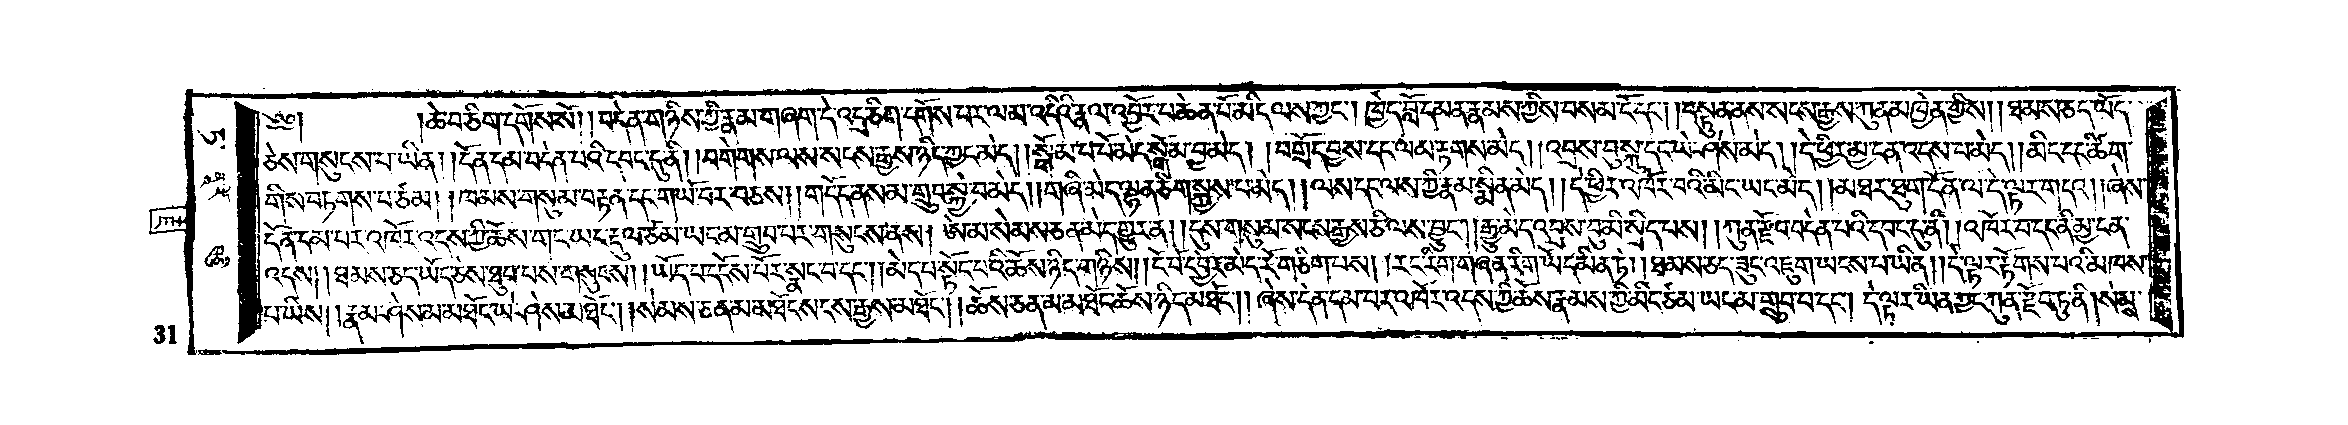༄༅། །ཆེ་བ་ཅིག་དགོས་སོ། །བདེན་གཉིས་ཀྱི་རྣམ་གཞག་དེ་འདྲ་ཅིག་དགོས་པར་ལམ་འདིའི་རྣལ་འབྱོར་པ་ཆེན་པོ་མིད་ལས་ཀྱང་། ཁྱེད་བློ་དམན་རྣམས་ཀྱིས་བསམ་ངོ་དང་། །བསྟུན་ནས་སངས་རྒྱས་ཀུན་མཁྱེན་གྱིས། །ཐམས་ཅད་ཡོད་
ཅེས་གསུངས་པ་ཡིན། །དོན་དམ་བདེན་པའི་དབང་དུ་ནི། །བགེགས་ལས་སངས་རྒྱས་ཉིད་ཀྱང་མེད། །སྒོམ་པ་པོ་མེད་སྒོམ་བྱ་མེད། །བགྲོད་བྱ་ས་དང་ལམ་རྟགས་མེད། །འབྲས་བུ་སྐུ་དང་ཡེ་ཤེས་མེད། །དེ་ཕྱིར་མྱ་ངན་འདས་པ་མེད། །མིང་དང་ཚིག་
གིས་བཏགས་པ་ཙམ། །ཁམས་གསུམ་བརྟན་དང་གཡོ་བར་བཅས། །གདོད་ནས་མ་གྲུབ་སྐྱེ་བ་མེད། །གཞི་མེད་ལྷན་ཅིག་སྐྱེས་པ་མེད། །ལས་དང་ལས་ཀྱི་རྣམ་སྨིན་མེད། །དེ་ཕྱིར་འཁོར་བའི་མིང་ཡང་མེད། །མཐར་ཐུག་དོན་ལ་དེ་ལྟར་གདའ། །ཞེས་
དོན་དམ་པར་འཁོར་འདས་ཀྱི་ཆོས་གང་ཡང་རྡུལ་ཙམ་ཡང་མ་གྲུབ་པར་གསུངས་ནས། ཨེ་མ་སེམས་ཅན་མེད་གྱུར་ན། །དུས་གསུམ་སངས་རྒྱས་ཅི་ལས་བྱུང་། །རྒྱུ་མེད་འབྲས་བུ་མི་སྲིད་པས། །ཀུན་རྫོབ་བདེན་པའི་དབང་དུ་ནི། །འཁོར་བ་དང་ནི་མྱ་ངན་
འདས། །ཐམས་ཅད་ཡོད་ཅེས་ཐུབ་པས་གསུངས། །ཡོད་པ་དངོས་པོར་སྣང་བ་དང་། །མེད་པ་སྟོང་པའི་ཆོས་ཉིད་གཉིས། །ངོ་བོ་དབྱེར་མེད་རོ་གཅིག་པས། །རང་རིག་གཞན་རིག་ཡོད་མིན་ཏེ། །ཐམས་ཅད་ཟུང་འཇུག་ཡངས་པ་ཡིན། །དེ་ལྟར་རྟོགས་པའི་མཁས་
པ་ཡིས། །རྣམ་ཤེས་མ་མཐོང་ཡེ་ཤེས་མཐོང་། །སེམས་ཅན་མ་མཐོང་སངས་རྒྱས་མཐོང་། །ཆོས་ཅན་མ་མཐོང་ཆོས་ཉིད་མཐོང་། །ཞེས་དོན་དམ་པར་འཁོར་འདས་ཀྱི་ཆོས་རྣམས་ཀྱི་མིང་ཙམ་ཡང་མ་གྲུབ་པ་དང་། དེ་ལྟར་ཡིན་ཀྱང་ཀུན་རྫོབ་ཏུ་ནི། སེམས་